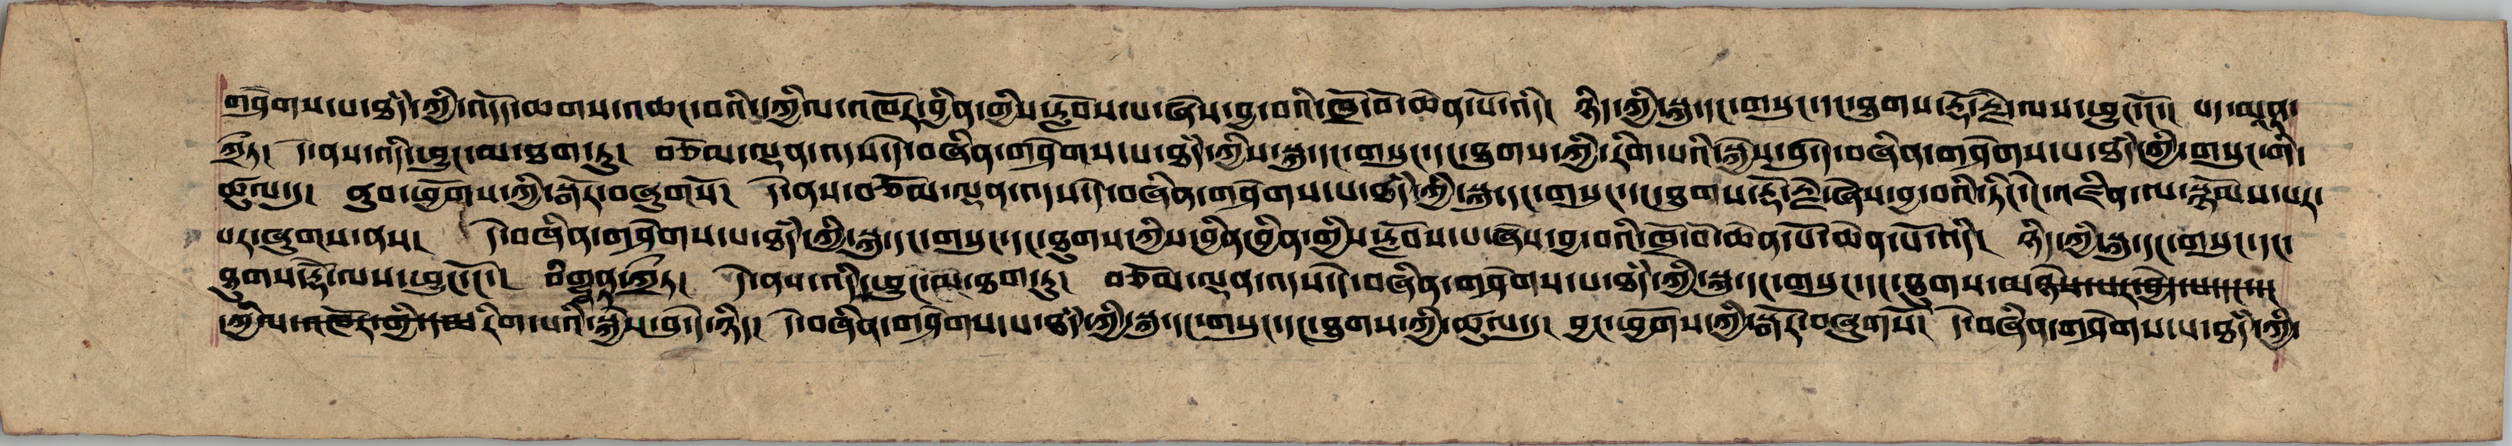གཤེགས་པ་ཐཾད་ཀྱི་འདོད་ཆགས་འཆང་བའི་དཀྱིལ་འཁོར་བྱིན་གྱིས་རློབས་པ་ཞེས་བྱ་བའི་ཁྲོ་བོ་ཆེན་པོ་འདི། ཉིད་ཀྱི་སྐུ་དང་གསུང་དང་ཐུགས་རྡོ་རྗེ་ལས་ཕྱུང་ངོ་། པད་མཱནྟ་
ཀྲྀཏ། དེ་ནས་འདི་ཕྱུང་མ་ཐག་ཏུ། བཅོམ་ལྡན་འདས་དེ་བཞིན་གཤེགས་པ་ཐཾད་ཀྱིས་སྐུ་དང་གསུང་དང་ཐུགས་ཀྱི་རིག་པའི་སྐྱེས་བུ་དེ་བཞིན་གཤེགས་པ་ཐཾད་ཀྱི་གསུང་གི་
ཚུལ་དུ། ནུབ་ཕྱོགས་ཀྱི་སྒོར་བཞུགསོ། དེ་ནས་བཅོམ་ལྡན་འདས་དེ་བཞིན་གཤེགས་པ་ཐཾད་ཀྱི་སྐུ་དང་གསུང་དང་ཐུགས་རྡོ་རྗེ་ཞེས་བྱ་བའི་ཏིང་ངེ་འཛིན་ལ་སྙོམས་པར་
པར་ཞུགས་ནས། དེ་བཞིན་གཤེགས་པ་ཐཾད་ཀྱི་སྐུ་དང་གསུང་དང་ཐུགས་ཀྱིས་བྱིན་བྱིན་གྱིས་རློབས་པ་ཞེས་བྱ་བའི་ཁྲོ་བོ་ཆེན་པོ་ཆེན་པོ་འདི། ཉིད་ཀྱི་སྐུ་དང་གསུང་དང་
ཐུགས་རྡོེ་ལས་ཕྱུང་ངོ་། བིགྷནྟ་ཀྲྀཏ། དེ་ནས་འདི་ཕྱུང་མ་ཐག་ཏུ། བཅོམ་ལྡན་འདས་དེ་བཞིན་གཤེགས་པ་ཐཾད་ཀྱི་སྐུ་དང་གསུང་དང་ཐུགས་མཉེས་པར་བྱེད་པ་དང་་།
དཀྱིལ་འཁོར་གྱི་དམརིག་པའི་སྐྱེས་བུ་དེ་ཉིད། དེ་བཞིན་གཤེགས་པ་ཐཾད་ཀྱི་སྐུ་དང་གསུང་དང་ཐུགས་ཀྱི་ཚུལ་དུ། བྱང་ཕྱོགས་ཀྱི་སྒོར་བཞུགསོ་། དེ་བཞིན་གཤེགས་པ་ཐཾད་ཀྱི་